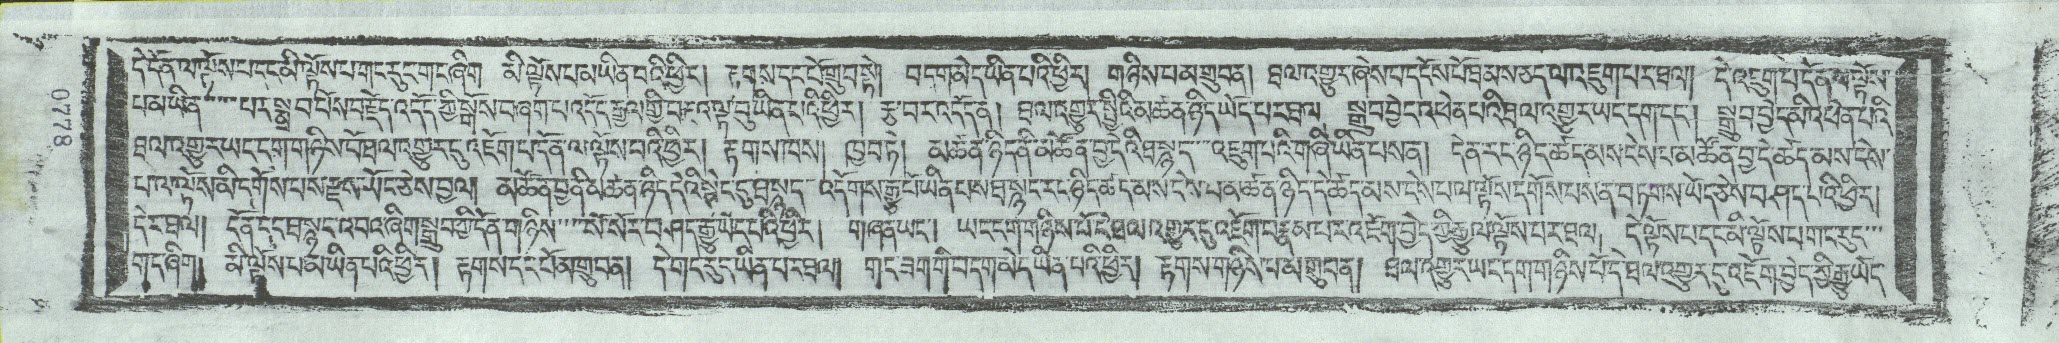དེ་དོན་ལ་ལྟོས་པ་དང་མི་ལྟོས་པ་གང་རུང་གང་ཞིག་མི་ལྟོས་པ་མ་ཡིན་པའི་ཕྱིར། རྟགས་དང་པོ་གྲུབ་སྟེ། བདག་མེད་ཡིན་པའི་ཕྱིར། གཉིས་པ་མ་གྲུབ་ན། ཐལ་འགྱུར་ཞེས་པ་དངོས་པོ་ཐམས་ཅད་ལ་འཇུག་པར་ཐལ། དེ་འཇུག་པ་དོན་ལ་ལྟོས་
པ་མ་ཡིན་པར་སྨྲ་བ་པོས་བརྗོད་འདོད་ཀྱི་སྒོས་བཞག་པ་འདོད་རྒྱལ་གྱི་བརྡའ་ལྟ་བུ་ཡིན་པའི་ཕྱིར། རྩ་བར་འདོད་ན། ཐལ་འགྱུར་སྤྱིའི་མཚན་ཉིད་ཡོད་པར་ཐལ། སྒྲུབ་བྱེད་འཕེན་པའི་ཐལ་འགྱུར་ཡང་དག་དང་། སྒྲུབ་བྱེད་མི་འཕེན་པའི་
ཐལ་འགྱུར་ཡང་དག་གཉིས་པོ་ཐལ་འགྱུར་དུ་འཇོག་པ་དོན་ལ་ལྟོས་པའི་ཕྱིར། རྟགས་ཁས། ཁྱབ་ཏེ། མཚན་ཉིད་ནི་མཚོན་བྱ་དེའི་ཐ་སྙད་འཇུག་པའི་གཞི་ཡིན་པས་ན། དོན་རང་ཉིད་ཚད་མས་ངེས་པ་མཚོན་བྱ་དེ་ཚད་མས་ངེས་
པ་ལ་ལྟོས་མི་དགོས་པས་རྫས་ཡོད་ཅེས་བྱ་ལ། མཚོན་བྱ་ནི་མཚན་ཉིད་དེའི་སྟེང་དུ་ཐ་སྙད་འདོགས་རྒྱུ་པོ་ཡིན་པས་ཐ་སྙད་རང་ཉིད་ཚད་མས་ངེས་པ་མཚན་ཉིད་དེ་ཚད་མས་ངེས་པ་ལ་ལྟོས་དགོས་པས་ན་བཏགས་ཡོད་ཅེས་བཤད་པའི་ཕྱིར།
དེར་ཐལ། དོན་དང་ཐ་སྙད་འབའ་ཞིག་སྒྲུབ་ཀྱི་དོན་གཉིས་སོ་སོར་བཤད་རྒྱུ་ཡོད་པའི་ཕྱིར། གཞན་ཡང་། ཡང་དག་གཉིས་པོ་དེ་ཐལ་འགྱུར་དུ་འཇོག་པ་རྣམ་པར་འཇོག་བྱེད་ཀྱི་རྒྱུ་ལ་ལྟོས་པར་ཐལ། དེ་ལྟོས་པ་དང་མི་ལྟོས་པ་གང་རུང་
གང་ཞིག། མི་ལྟོས་པ་མ་ཡིན་པའི་ཕྱིར། རྟགས་དང་པོ་མ་གྲུབ་ན། དེ་གང་རུང་ཡིན་པར་ཐལ། གང་ཟག་གི་བདག་མེད་ཡིན་པའི་ཕྱིར། རྟགས་གཉིས་པ་མ་གྲུབ་ན། ཐལ་འགྱུར་ཡང་དག་གཉིས་པོ་དེ་ཐལ་འགྱུར་དུ་འཇོག་བྱེད་ཀྱི་རྒྱུ་ཡོད་